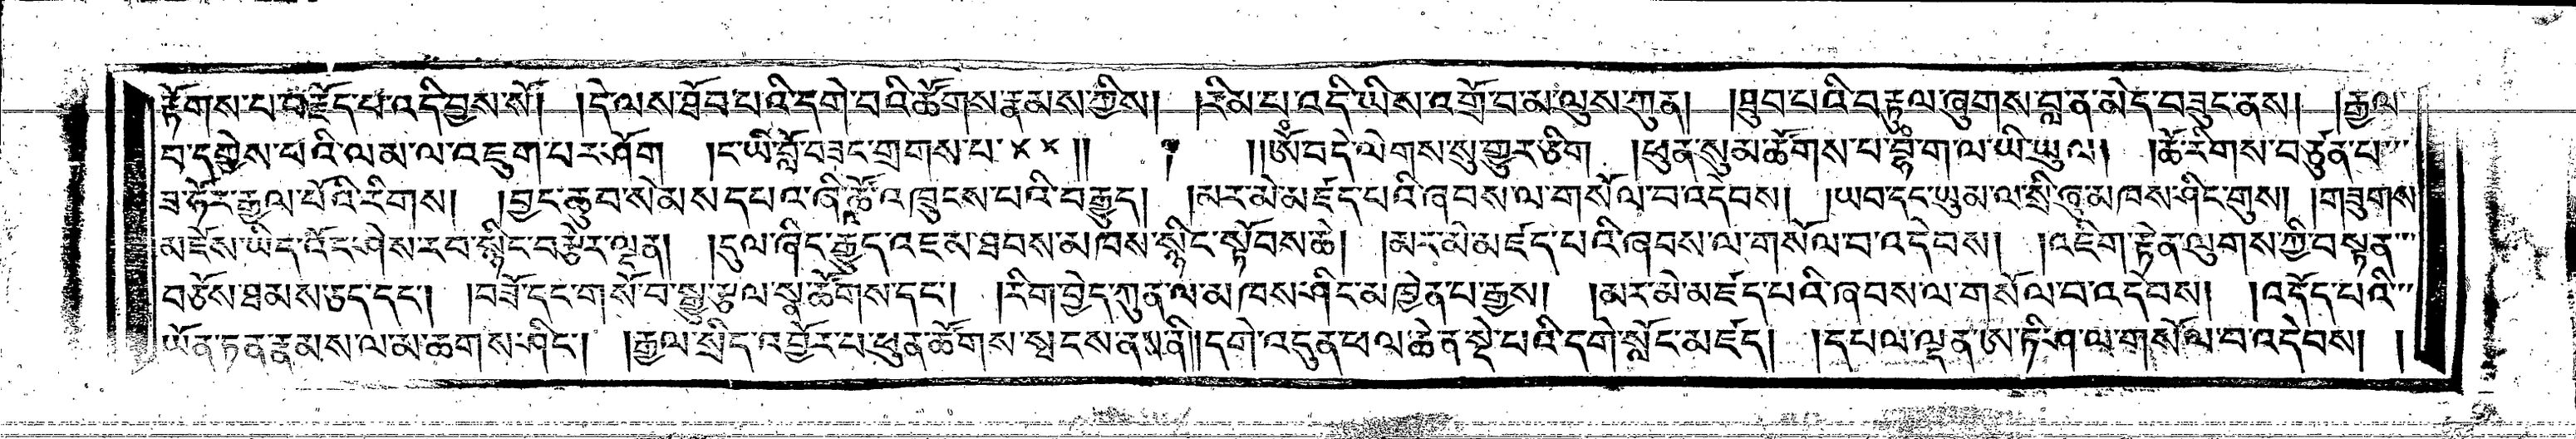རྟོགས་པ་བརྗོད་པ་འདི་བྱས་སོ། །དེ་ལས་ཐོབ་པའི་དགེ་བའི་ཚོགས་རྣམས་ཀྱིས། །རིམ་པ་འདི་ཡིས་འགྲོ་བ་མ་ལུས་ཀུན། །ཐུབ་པའི་བརྟུལ་ཞུགས་བླ་ན་མེད་བཟུང་ནས། །རྒྱལ་
བ་དགྱེས་པའི་ལམ་ལ་འཇུག་པར་ཤོག །ང་ཡི་བློ་བཟང་གྲགས་པ་{྾྾}།། ༈ །།ཨོཾ་བདེ་ལེགས་སུ་གྱུར་ཅིག །ཕུན་སུམ་ཚོགས་པ་བྷཾ་ག་ལ་ཡི་ཡུལ། །ཆོ་རིགས་བཙུན་པ་
ཟ་ཧོར་རྒྱལ་པོའི་རིགས། །བྱང་ཆུབ་སེམས་དཔའ་ཞི་འཚོ་འཁྲུངས་པའི་བརྒྱུད། །མར་མེ་མཛད་པའི་ཞབས་ལ་གསོལ་བ་འདེབས། །ཡབ་དང་ཡུམ་ལ་སྲི་ཞུ་མཁས་ཤིང་གུས། །གཟུགས་
མཛེས་ཡིད་འོང་ཤེས་རབ་སྙིང་བརྩེར་ལྡན། །དུལ་ཞིང་རྒྱུད་འཇམ་ཐབས་མཁས་སྙིང་སྟོབས་ཆེ། །མར་མེ་མཛད་པའི་ཞབས་ལ་གསོལ་བ་འདེབས། །འཇིག་རྟེན་ལུགས་ཀྱི་བསྟན་
བཅོས་ཐམས་ཅད་དང་། །བཟོ་དང་གསོ་བ་སྒྱུ་རྩལ་སྣ་ཚོགས་དང་། །རིག་བྱེད་ཀུན་ལ་མཁས་ཤིང་མཁྱེན་པ་རྒྱས། །མར་མེ་མཛད་པའི་ཞབས་ལ་གསོལ་བ་འདེབས། །འདོད་པའི་
ཡོན་ཏན་རྣམས་ལ་མ་ཆགས་ཤིང་། །རྒྱལ་སྲིད་འབྱོར་བ་ཕུན་ཚོགས་སྤངས་ནས་ནི། །དགེ་འདུན་ཕལ་ཆེན་སྡེ་པའི་དགེ་སློང་མཛད། །དཔལ་ལྡན་ཨ་ཏི་ཤ་ལ་གསོལ་བ་འདེབས། །